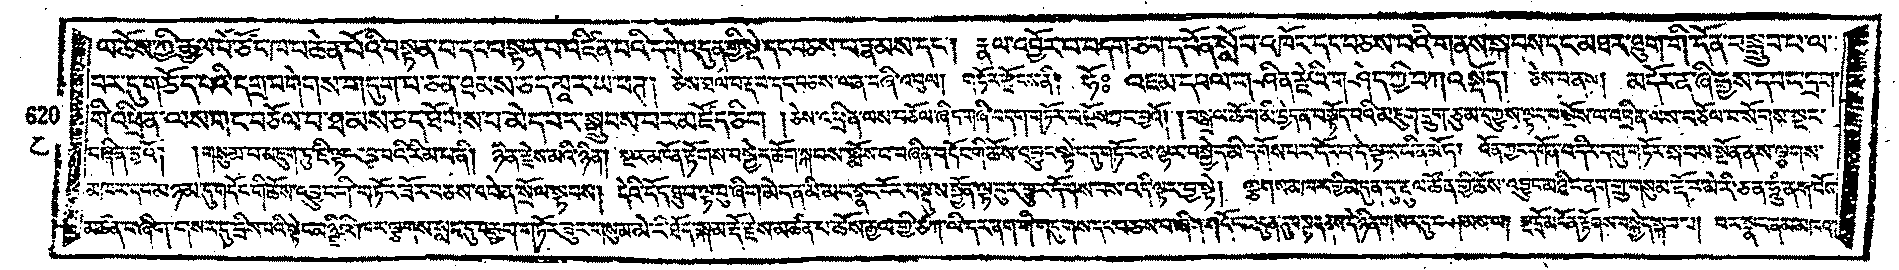ལ་ཆོས་ཀྱི་རྒྱལ་པོ་ཙོང་ཁ་པ་ཆེན་པོའི་བསྟན་པ་དང་བསྟན་པ་འཛིན་པའི་དགེ་འདུན་གྱི་སྡེ་དང་བཅས་པ་རྣམས་དང་། རྣལ་འབྱོར་བ་བདག་ཅག་དཔོན་སློབ་འཁོར་དང་བཅས་པའི་གནས་སྐབས་དང་མཐར་ཐུག་གི་དོན་བསྒྲུབ་པ་ལ་
བར་དུ་གཅོད་པའི་དགྲ་བགེགས་གདུག་པ་ཅན་ཐམས་ཅད་མཱ་ར་ཡ་ཕཊ། ཅེས་ཐལ་བརྡབ་དང་བཅས་ལན་བཞི་འབུལ། གཏོར་རྫོངས་ནི།  ཧོཿ འཇམ་དཔལ་གཤིན་རྗེའི་གཤེད་ཀྱི་བཀའ་སྡོད། ཅེས་པ་ནས།  མདོར་ནི་ཞི་རྒྱས་དབང་དྲག་
གི་འཕྲིན་ལས་གང་བཅོལ་བ་ཐམས་ཅད་ཐོགས་པ་མེད་པར་སྒྲུབས་པར་མཛོད་ཅིག །ཅེས་འཕྲིན་ལས་བཅོལ་ཞིང་གཞི་བདག་གཏོར་བསྔོས་ཀྱང་བྱའོ། །བསྒྲལ་ཆོག་མི་བྱེད་ན་བསྟོད་པའི་མཇུག་དྲུག་ཅུ་མ་དཀྱུས་ལྟར་བསྔོས་ལ་འཕྲིན་ལས་བཅོལ་བ་སོགས་སྔར་
བཞིན་བྱའོ། །གསུམ་པ་མཇུག་ཏུ་ཇི་ལྟར་བྱ་བའི་རིམ་པ་ནི། ཉིན་རྗེས་མའི་ཉིན། སྔར་མངོན་རྟོགས་བསྐྱེད་ཆོག་སྐབས་སྨོས་པ་བཞིན་གདོང་གི་ཆོས་འབྱུང་སྟེང་དུ་གཏོར་མ་ལྷར་བསྐྱེད་མི་དགོས་པར་དོར་བ་དེ་ལྟར་ཡིན་མོད། འོན་ཀྱང་དགོན་འདིར་དགུ་གཏོར་སྐབས་སྔོན་ནས་ལྕགས་
མཁར་དང་མཉམ་དུ་གདོང་གི་ཆོས་འབྱུང་གི་གཏོར་ཟོར་བཅས་འབེན་སྲོལ་སྟབས། དེའི་དོད་ཐུབ་ལྟ་བུ་ཞིག་མེད་ན་མི་མང་སྣང་ངོར་བསྡུས་སྐྱོན་ལྟ་བུར་གྱུར་དོགས་པས་འདི་ལྟར་བྱ་སྟེ། ལྕགས་མཁར་གྱི་མདུན་དུ་རྡུལ་ཚོན་གྱི་ཆོས་འབྱུང་མཐིང་ནག་གྲུ་གསུམ་རྡོར་མེ་རི་ཅན་ཧཱུཾ་ནག་བོས་
མཚན་པ་ཞིག་གསར་དུ་བྲིས་པའི་སྟེང་མཉྫིའི་ཁར་ལྕགས་སླང་དུ་བརྒྱག་གཏོར་ཟུར་གསུམ་མེ་རི་ཐོད་སྐམ་རྡོ་རྗེས་མཚན་པ་ཆོས་རྒྱལ་གྱི་ཙཀ་ལི་དར་ནག་གི་གདུགས་དང་བཅས་པ་ཞིག་གདོང་མདུན་དུ་བསྟན་ནས་དེ་ཉིན་གསར་དུ་བཤམས་ལ། སྔ་དྲོ་མངོན་རྟོགས་བསྐྱེད་སྐབས། བར་སྣང་ནམ་མཁའ་